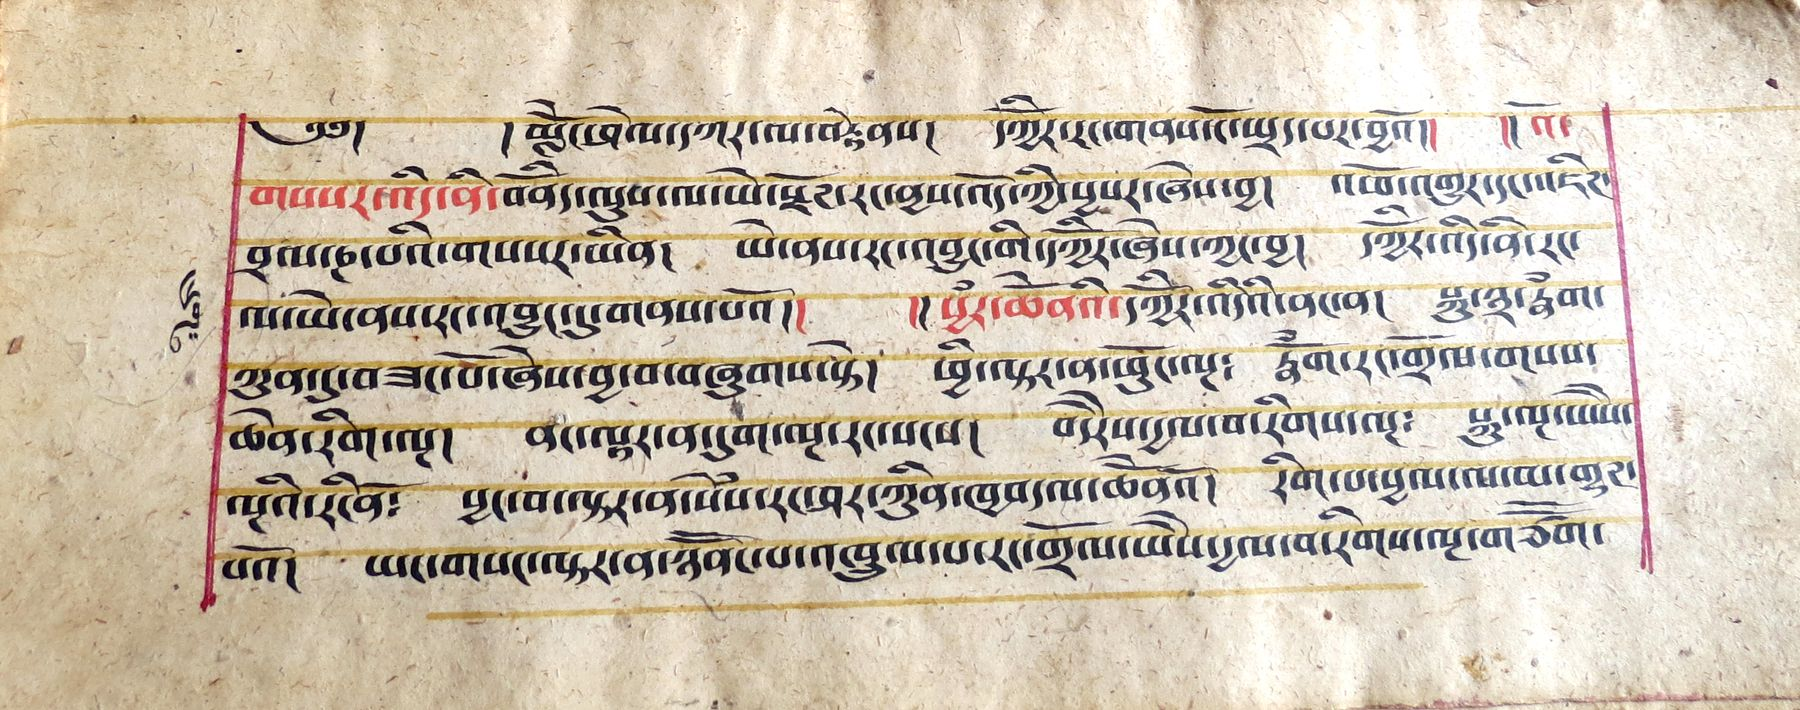མེ་ལོང་ཤེལ་དཀར་བསྟན་ལ། དཀྱིལ་འཁོར་རང་གནས་ངོ་སྤྲད་པར་བྱ་སྟེ། འོ་
གསས་མཁར་དཀྱིལ་འཁོར་འདི་ནི་བོན་ཉིད་འདུས་པ་ཡེ་རྫོགས་རང་གནས་དོན་གྱི་གསས་མཁར་ཞེས་བྱ་བ། འཕོ་འགྱུར་དང་འཇིག་
འབྲལ་མེད་པའི་གསས་མཁར་ཡིན། དེ་ནས་རང་འབྱུང་གི་གསས་མཁར་ཞེས་ཀྱང་བྱ། དཀྱིལ་འཁོར་འདི་ནི་རང་
ལ་ཡེ་ནས་རང་འབྱུང་དུ་གནས་པའོ། ། གསས་མཁར་ཆེན་པོའི་དཀྱིལ་འཁོར་འདིའི་ནང་ནས། སྐུ་གསུམ་རྣམ་དག་
ཀུན་ཏུ་བཟང་པོ་ཞེས་བྱ་བ་བཞུགས་ཏེ། ཕྱི་ལྟར་ན་ཕུང་པོ་ལྔ། རྣམ་རྟོག་རང་གྲོལ་གསས་
ཆེན་རིགས་ལྔ། ནང་ལྟར་ན་དུག་ལྔ་རང་སངས། བདེར་གཤེགས་རྒྱལ་བ་རིགས་ལྔ། སྐུ་ལྔ་ཡེ་ཤེས་
ལྔའི་རང་བཞིན་ཡིན་ནོ། ། གསང་བ་ལྟར་ན་སེམས་རང་ཤར་ཀུན་གཞི་ཡེ་ཁྱབ་ཆེན་པོ་ལ། རིག་པ་གསལ་ལ་མ་འགག་
པའོ། ། ཡང་གསང་ལྟར་ན་ཉོན་མོངས་འཁྲུལ་བ་རང་གྲོལ་ཡེ་ཤེས་རྒྱལ་བ་རིགས་ལྔ་གཙོ་མཆོག་